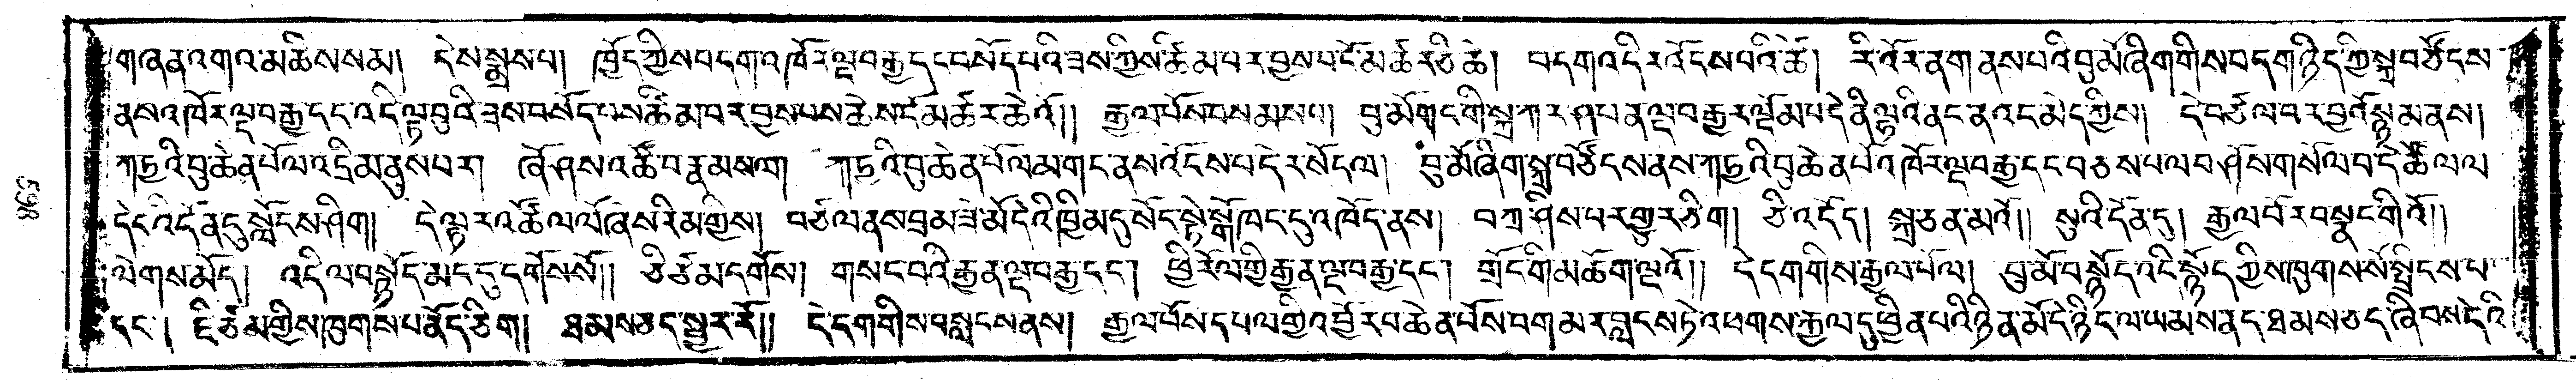གཞན་འགའ་མཆིས་སམ། དེས་སྨྲས་པ། ཁྱོད་ཀྱིས་བདག་འཁོར་ལྔ་བརྒྱད་བསོད་པའི་ཟས་ཀྱིས་ཚིམ་པར་བྱས་པ་ངོ་མཚར་ཅི་ཆེ། བདག་འདིར་འོངས་པའི་ཚེ། རི་འོར་ནག་ནས་པའི་བུ་མོ་ཞིག་གིས་བདག་ཉིད་ཀྱི་སྐྲ་བཙོངས་
ནས་འཁོར་ལྔ་བརྒྱ་དང་འདི་ལྟ་བུའི་ཟས་བསོད་པས་ཚིམ་བར་བྱས་པས་ཆེས་ངོ་མཚར་ཆེའོ།། རྒྱལ་པོས་བསམས་པ། བུ་མོ་གང་གི་སྐྲ་ཀར་ཤ་པ་ན་ལྡ་བརྒྱར་ལྡོམ་པ་དེ་ནི་ལྷའི་ནང་ནའང་མེད་ཀྱིས། དེ་བཙལ་བར་བྱའོ་སྙམ་ནས།
ཀ་ཏྱའི་བུ་ཆེན་པོ་ལ་འདྲི་མ་ནུས་པར། ཞོ་ཤས་འཚོ་བ་རྣམས་ལ། ཀ་ཏྱའི་བུ་ཆེན་པོ་ལམ་གང་ནས་འོངས་པ་དེར་སོང་ལ། བུ་མོ་ཞིག་སྐྲ་བཙོངས་ནས་ཀ་ཏྱའི་བུ་ཆེན་པོ་འཁོར་ལྔ་བརྒྱ་དང་བཅས་པ་ལ་བཤོས་གསོལ་བ་དེ་ཚོལ་ལ་
དེང་འི་དོན་དུ་སློངས་ཤིག། དེ་ལྟར་འཚོལ་ལོ་ཞེས་རིམ་གྱིས། བཙལ་ནས་བྲམ་ཟེ་མོ་དེའི་ཁྱིམ་དུ་སོང་སྟེ་སྒོ་ཁང་དུ་འཁོད་ནས། བཀྲ་ཤིས་པར་གྱུར་ཅིག། ཅི་འདོད། སྐྲ་ཅན་མའོ།། སུའི་དོན་དུ། རྒྱལ་བོ་རབ་སྣང་གིའོ།།
ལེགས་མོད། འདི་ལ་བསྙོད་མང་དུ་དགོས་སོ།། ཅི་ཙམ་དགོས། གསང་བའི་རྒྱན་ལྔ་བརྒྱ་དང་། ཕྱི་རོལ་གྱི་རྒྱན་ལྔ་བརྒྱ་དང་། གྲོང་གི་མཆོག་ལྔའོ།། དེ་དག་གིས་རྒྱལ་པོ་ལ། བུ་མོ་བསྙོད་འདི་སྙོད་ཀྱིས་ཁུགས་སོ་སྤྲིངས་པ་
དང་། ཇི་ཙམ་གྱིས་ཁུགས་པ་ནོད་ཅིག། ཐམས་ཅད་སྦྱར་རོ།། དེ་དག་གིས་བསླངས་ནས། རྒྱལ་པོས་དཔལ་གྱི་འབྱོར་བ་ཆེན་པོས་བག་མར་བླངས་ཏེ་འཕགས་རྐྱལ་དུ་ཕྱིན་པའི་ཉིན་མོ་དེ་ཉིད་ལ་ཡམས་ནད་ཐམས་ཅད་ཞིབས་དེའི་